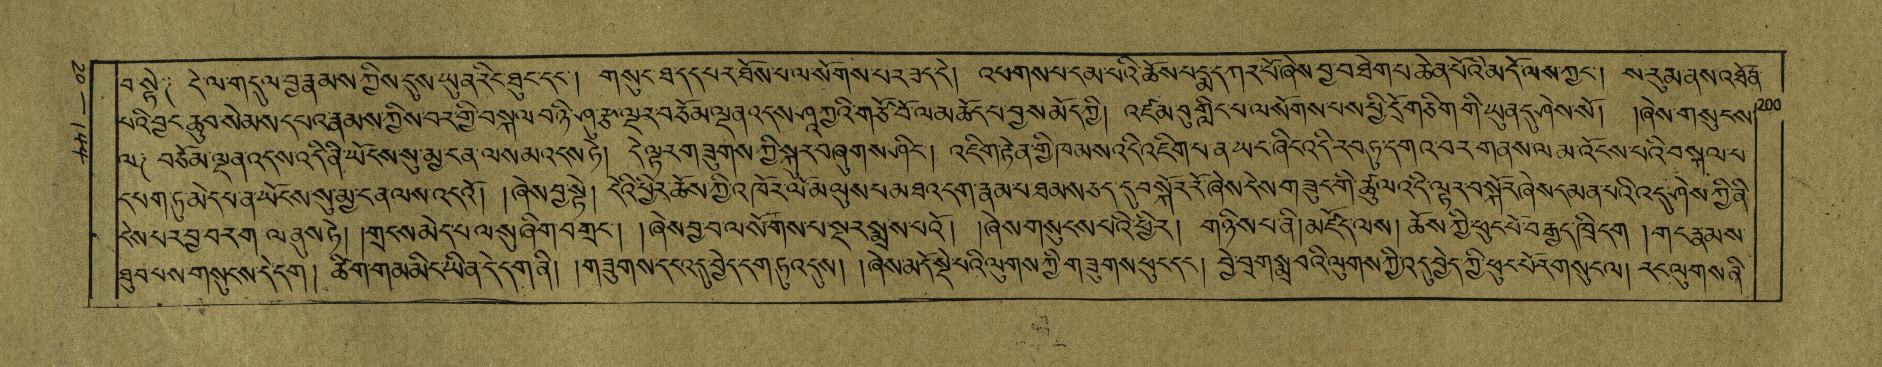བ་སྟེ༑ དེ་ལ་གདུལ་བྱ་རྣམས་ཀྱིས་དུས་ཡུན་རིང་ཐུང་དང་། གསུང་ཐ་དད་པར་ཐོས་པ་ལ་སོགས་པར་ཟད་དེ། འཕགས་པ་དམ་པའི་ཆོས་པདམ་དཀར་པོ་ཞེས་བྱ་བ་ཐེག་པ་ཆེན་པོའི་མདོ་ལས་ཀྱང་། ས་རུམ་ནས་འཐོན་
པའི་བྱང་ཆུབ་སེམས་དཔའ་རྣམས་ཀྱིས་བར་གྱི་བསྐལ་བ་ཉི་ཤུ་རྩ་ལྔར་བཅོམ་ལྡན་འདས་ཤཱཀྱའི་གཙོ་བོ་ལ་མཆོད་པ་བྱས་མོད་ཀྱི། འཛམ་བུ་གླིང་པ་ལ་སོགས་པས་ཕྱི་དྲོ་གཅིག་གི་ཡུན་དུ་ཤེས་སོ། །ཞེས་གསུངས་
ལ༑ བཅོམ་ལྡན་འདས་འདི་ནི་ཡོངས་སུ་མྱ་ངན་ལས་མ་འདས་ཏེ། དེ་ལྟར་གཟུགས་ཀྱི་སྐུར་བཞུགས་ཤིང་། འཇིག་རྟེན་གྱི་ཁམས་འདི་འཇིག་པ་ན་ཡང་ཞིང་འདི་རབ་ཏུ་དགའ་བར་གནས་ལ་མ་འོངས་པའི་བསྐལ་པ་
དཔག་ཏུ་མེད་པ་ན་ཡོངས་སུ་མྱ་ངན་ལས་འདའོ། །ཞེས་བྱ་སྟེ། དེའི་ཕྱིར་ཆོས་ཀྱི་འཁོར་ལོ་མ་ལུས་པ་མཐའ་དག་རྣམ་པ་ཐམས་ཅད་དུ་བསྐོར་རོ་ཞེས་ངེས་གཟུང་གི་ཚུལ་འདི་ལྟར་བསྐོར་ཞེས་དམན་པའི་འདུ་ཤེས་ཀྱི་ནི་
ངེས་པར་བྱ་བར་ག་ལ་ནུས་ཏེ། །གྲངས་མེད་པ་ལ་སུ་ཞིག་བགྲང་། །ཞེས་བྱ་བ་ལ་སོགས་པ་སྔར་སྨྲས་པའོ། །ཞེས་གསུངས་པའི་ཕྱིར། གཉིས་པ་ནི། མཛོད་ལས། ཆོས་ཀྱི་ཕུང་པོ་བརྒྱད་ཁྲི་དག །གང་རྣམས་
ཐུབ་པས་གསུངས་དེ་དག། ཚིག་གམ་མིང་ཡིན་དེ་དག་ནི། །གཟུགས་དང་འདུ་བྱེད་དག་ཏུ་འདུས། །ཞེས་མདོ་སྡེ་པའི་ལུགས་ཀྱི་གཟུགས་ཕུང་དང་། བྱེ་བྲག་སྨྲ་བའི་ལུགས་ཀྱི་འདུ་བྱེད་ཀྱི་ཕུང་པོར་གསུང་ལ། རང་ལུགས་ནི་